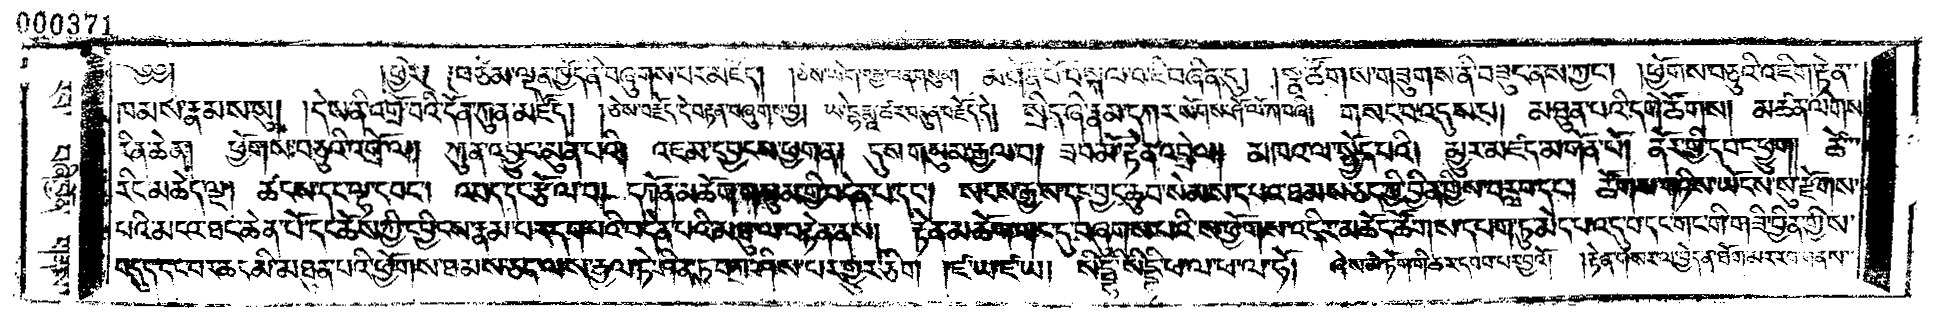༄༅། །ཕྱིར༑ ༑བཅོམ་ལྡན་ཁྱོད་ནི་བཞུགས་པར་མཛོད། །ཅེས་ཡིག་བརྒྱ་ལན་གསུམ།  མགོན་པོ་བསྐལ་བ་ཇི་བཞིན་དུ། །སྣ་ཚོགས་གཟུགས་ནི་བཟུང་ནས་ཀྱང་། །ཕྱོགས་བཅུའི་འཇིག་རྟེན་
ཁམས་རྣམས་སུ། །དེས་ནི་འགྲོ་བའི་དོན་ཀུན་མཛོད། །ཅེས་བརྗོད་དེ་བརྟན་བཞུགས་བྱ། ཡེ་དྷརྨཱ་ཚར་བདུན་བརྗོད་དེ།  སྲིད་ཞི་རྣམ་དཀར་སོགས་ཤོ་ལོ་ཀ་བཞི།  གསང་བ་འདུས་པ། མཐུན་པའི་དགེ་ཚོགས། མཚན་ལེགས་
རིན་ཆེན། ཕྱོགས་བཅུའི་འགྲོ་ལ། ཀུན་འབྱུང་མུན་པའི། འཇམ་དབྱངས་ཕྱག་ན། དུས་གསུམ་རྒྱལ་བ། ཟབ་མོ་རྟེན་འབྲེལ། མཁའ་ལ་སྤྱོད་པའི། མྱུར་མཛད་མགོན་པོ། ནོར་གྱི་དབང་ཕྱུག །ཚེ་
རིང་མཆེད་ལྔ། ཚངས་དང་ལྷ་དབང་། འབད་དང་རྩོལ་བ། དཀོན་མཆོག་གསུམ་གྱི་བདེན་པ་དང་། སངས་རྒྱས་དང་བྱང་ཆུབ་སེམས་དཔའ་ཐམས་ཅད་ཀྱི་བྱིན་གྱིས་བརླབ་དང་། ཚོགས་གཉིས་ཡོངས་སུ་རྫོགས་
པའི་མངའ་ཐང་ཆེན་པོ་དང་ཆོས་ཀྱི་དབྱིངས་རྣམ་པར་དག་པའི་བདེན་པའི་མཐུ་ལ་བརྟེན་ནས། རྟེན་མཆོག་གང་དུ་བཞུགས་པའི་ས་ཕྱོགས་འདིར་མཆོད་ཚོགས་དཔག་ཏུ་མེད་པ་འདུ་བ་དང་གང་གི་གཟི་བྱིན་གྱིས་
བདུད་དང་བར་ཆད་མི་མཐུན་པའི་ཕྱོགས་ཐམས་ཅད་ལས་རྒྱལ་ཏེ་ཤིན་ཏུ་བཀྲ་ཤིས་པར་གྱུར་ཅིག །ཛ་ཡ་ཛ་ཡ། སིདྡྷི་སིདྡྷི་ཕ་ལ་ཕལ་ལ་ཧོ། ཞེས་མེ་ཏོག་གི་ཆར་དབབ་པར་བྱའོ། །རྟེན་གསར་ལ་བྱེད་ན་ཐོག་མར་རབ་གནས་